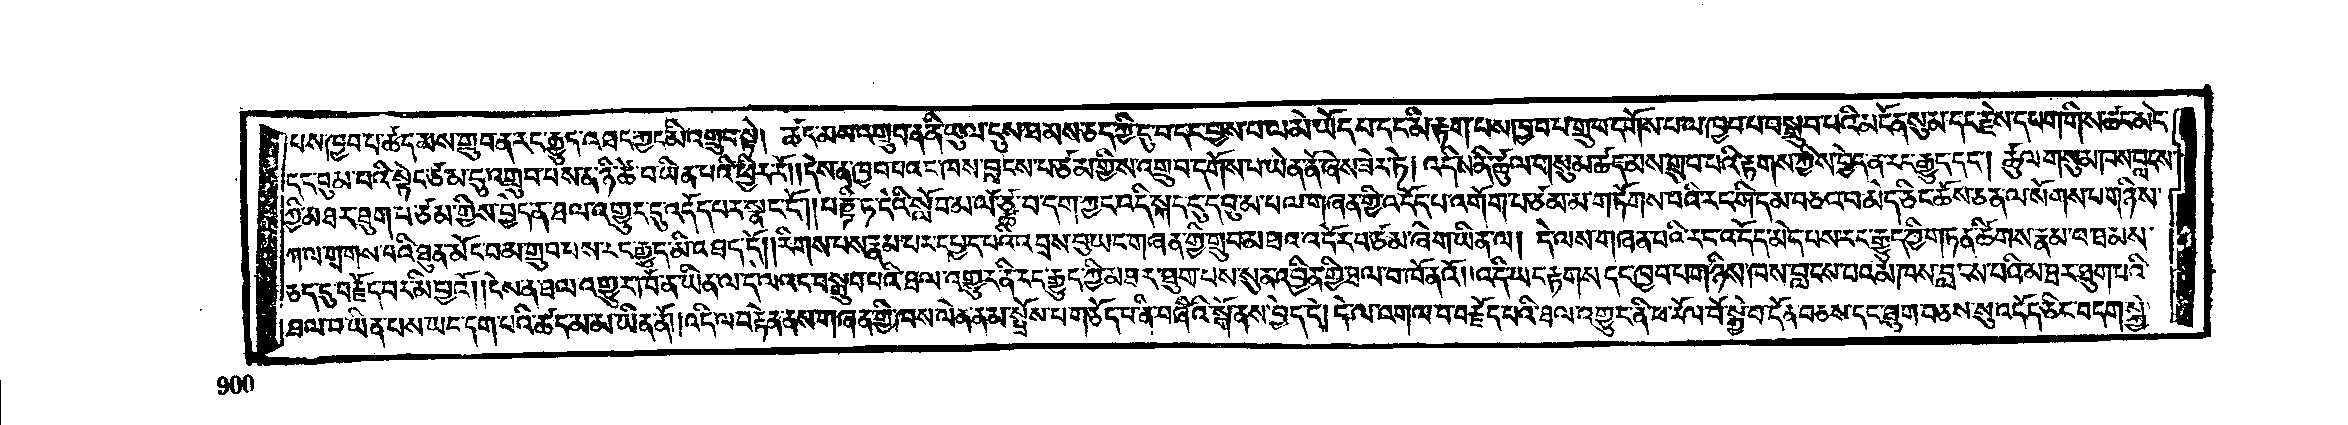པས་ཁྱབ་པ་ཚད་མས་གྲུབ་ན་རང་རྒྱུད་འཐད་ཀྱང་མི་འགྲུབ་སྟེ། ཚད་མས་འགྲུབ་ན་ནི་ཡུལ་དུས་ཐམས་ཅད་ཀྱི་དུ་བ་དང་བྱས་པ་ལ་མེ་ཡོད་པ་དང་མི་རྟག་པས་ཁྱབ་པ་གྲུབ་དགོས་པ་ལ་ཁྱབ་པ་བསྒྲུབ་པའི་མངོན་སུམ་དང་རྗེས་དཔག་གིས་ཚད་མད་
དང་བུམ་པའི་སྟེང་ཙམ་དུ་འགྲུབ་པས་ན་ཉི་ཚེ་བ་ཡིན་པའི་ཕྱིར་རོ། །དེས་ན་ཁྱབ་པའང་ཁས་བླངས་པ་ཙམ་གྱིས་འགྲུབ་དགོས་པ་ཡིན་ནོ་ཞེས་ཟེར་ཏེ། འདིས་ནི་ཚུལ་གསུམ་ཚད་མས་གྲུབ་པའི་རྟགས་ཀྱིས་བྱེད་ན་རང་རྒྱུད་དང་། ཚུལ་གསུམ་ཁས་བླངས་
ཀྱི་མཐར་ཐུག་པ་ཙམ་གྱིས་བྱེད་ན་ཐལ་འགྱུར་དུ་འདོད་པར་སྣང་ངོ། །པཎྜི་ཏ་དེའི་སློབ་མ་ལོ་ཙྪ་བ་དག་ཀྱང་འདི་སྐད་དུ་དབུ་མ་པ་ལ་གཞན་གྱི་འདོད་པ་འགོག་པ་ཙམ་མ་གཏོགས་པའི་རང་གི་དམ་བཅའ་བ་མེད་ཅིང་ཆོས་ཅན་ལ་སོགས་པ་གཉིས་
ཀ་ལ་གྲགས་པའི་ཐུན་མོང་བ་མ་གྲུབ་པས་རང་རྒྱུད་མི་འཐད་དོ། །རིགས་པས་རྣམ་པར་དཔྱད་པའི་འབྲས་བུ་ཡང་གཞན་གྱི་གྲུབ་མཐའ་འདོར་བ་ཙམ་ཞིག་ཡིན་ལ། དེ་ལས་གཞན་པའི་རང་འདོད་མེད་པས་རང་རྒྱུད་ཀྱི་གཏན་ཚིགས་རྣམ་པ་ཐམས་
ཅད་དུ་བརྗོད་པར་མི་བྱའོ། །དེས་ན་ཐལ་འགྱུར་ཁོ་ན་ཡིན་ལ་དེ་ལའང་བསྒྲུབ་པའི་ཐལ་འགྱུར་ནི་རང་རྒྱུད་ཀྱི་མཐར་ཐུག་པས་སུན་འབྱིན་གྱི་ཐལ་བ་ཁོ་ནའོ། །འདི་ཡང་རྟགས་དང་ཁྱབ་པ་གཉིས་ཁས་བླངས་པའམ་ཁས་བླངས་པའི་མཐར་ཐུག་པའི་
ཐལ་བ་ཡིན་པས་ཡང་དག་པའི་ཚད་མ་མ་ཡིན་ནོ། །འདི་ལ་བརྟེན་ནས་གཞན་གྱི་ཁས་ལེན་ནམ་སྤྲོས་པ་གཅོད་པ་ནི་བཞིའི་སྒོ་ནས་བྱེད་དེ། དེ་ལ་འགལ་བ་བརྗོད་པའི་ཐལ་འགྱུར་ནི་ཕ་རོལ་པོ་སྐྱེ་བ་དོན་བཅས་དང་ཐུག་བཅས་སུ་འདོད་ཅིང་བདག་སྐྱེ་